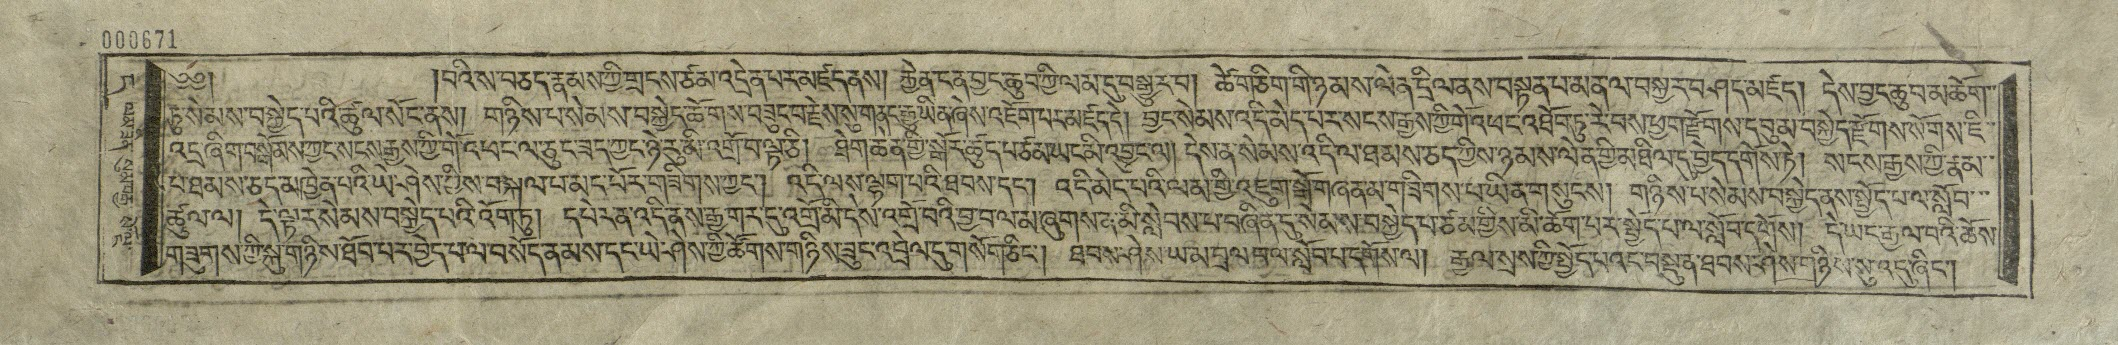༄༅། །བའི་ས་བཅད་རྣམས་ཀྱི་གྲངས་ཙམ་འདྲེན་པར་མཛད་ནས། རྐྱེན་ངན་བྱང་ཆུབ་ཀྱི་ལམ་དུ་བསྒྱུར་བ། ཚེ་གཅིག་གི་ཉམས་ལེན་དྲིལ་ནས་བསྟན་པ་མན་ལ་བསྐྱར་བཤད་མཛད། དེས་བྱང་ཆུབ་མཆོག་
ཏུ་སེམས་བསྐྱེད་པའི་ཚུལ་སོང་ནས། གཉིས་པ་སེམས་བསྐྱེད་ཆོ་གས་བཟུང་བ་རྗེས་སུ་གནང་རྒྱུ་ཡིན་ཞེས་འཇོག་པར་མཛད་དེ། བྱང་སེམས་འདི་མེད་པར་སངས་རྒྱས་ཀྱི་གོ་འཕང་འཐོབ་ཏུ་རེ་བས་ཕྱག་རྫོགས་དབུ་མ་བསྐྱེད་རྫོགས་སོགས་ཇི་
འདྲ་ཞིག་བསྒོམས་ཀྱང་སངས་རྒྱས་ཀྱི་གོ་འཕང་ལ་ཅུང་ཟད་ཀྱང་ཉེ་རུ་མི་འགྲོ་བ་ལྟ་ཅི། ཐེག་ཆེན་གྱི་སྒོར་ཚུད་པ་ཙམ་ཡང་མི་འབྱུང་ལ། དེས་ན་སེམས་འདི་ལ་ཐམས་ཅད་ཀྱིས་ཉམས་ལེན་གྱི་མཐིལ་དུ་བྱེད་དགོས་ཏེ། སངས་རྒྱས་ཀྱི་རྣམ་
པ་ཐམས་ཅད་མཁྱེན་པའི་ཡེ་ཤེས་ཀྱིས་བསྐལ་པ་མང་པོར་གཟིགས་ཀྱང་། འདི་ལས་ལྷག་པའི་ཐབས་དང་། འདི་མེད་པའི་ལམ་གྱི་འཇུག་སྒོ་གཞན་མ་གཟིགས་པ་ཡིན་གསུངས། གཉིས་པ་སེམས་བསྐྱེད་ནས་སྤྱོད་པ་ལ་སློབ་
ཚུལ་ལ། དེ་ལྟར་སེམས་བསྐྱེད་པའི་འོག་ཏུ། དཔེར་ན་འདི་ནས་རྒྱ་གར་དུ་འགྲོ་མི་དེས་འགྲོ་བའི་བྱ་བ་ལ་མ་ཞུགས་ན་མི་སླེབས་པ་བཞིན་དུ་སེམས་བསྐྱེད་པ་ཙམ་གྱིས་མི་ཆོག་པར་སྤྱོད་པ་ལ་སློབ་དགོས། དེ་ཡང་རྒྱལ་བའི་ཆོས་
གཟུགས་ཀྱི་སྐུ་གཉིས་ཐོབ་པར་བྱེད་པ་ལ་བསོད་ནམས་དང་ཡེ་ཤེས་ཀྱི་ཚོགས་གཉིས་ཟུང་འབྲེལ་དུ་གསོག་ཅིང་། ཐབས་ཤེས་ཡ་མ་བྲལ་བ་ལ་སློབ་པ་དགོས་ལ། རྒྱལ་སྲས་ཀྱི་སྤྱོད་པའང་བསྡུ་ན་ཐབས་ཤེས་གཉིས་སུ་འདུ་ཞིང་།